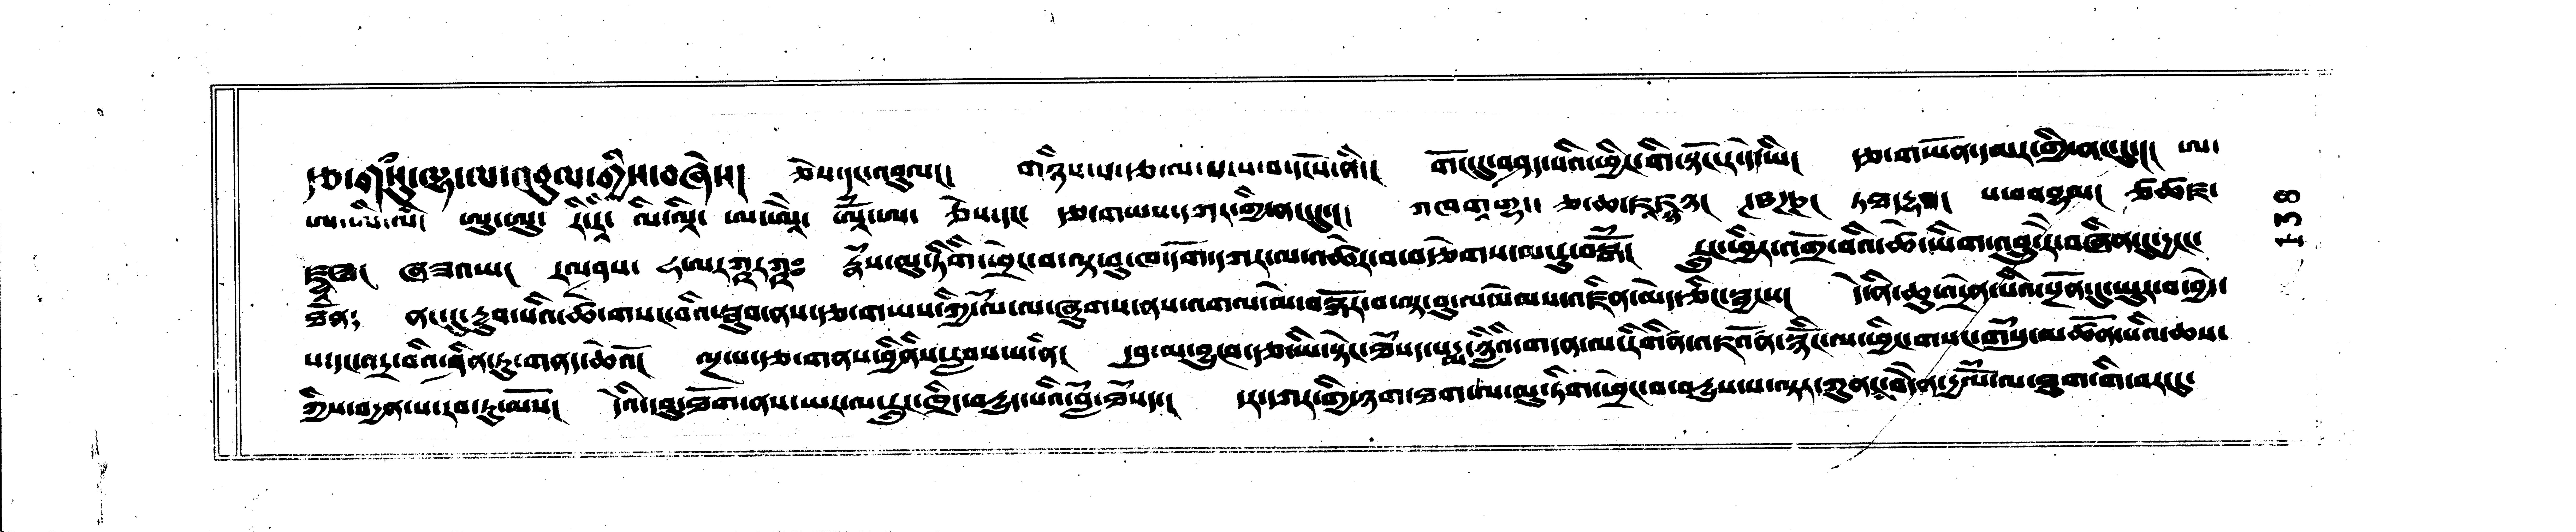རྩ་གསུམ་ལྷ་ལ་འབུལ་གྱིས་བཞེས། །ཅེས་དང་དབུལ། གཉིས་པ་རྩ་ལ་སྦྱངས་པ་དངོས་ནི། གོང་དུ་བཤད་པའི་ཕྱི་ནང་གི་སྟོང་ར་དེ་ཡི། རྩ་གཡོན་དམར་གྱི་ནང་དུ། ཨ་
ཨཱ། ཨི་ཨཱི། ཨུ་ཨཱུ་རི་རཱི་ལི་ལཱི་ཨ་ཨཱཻ་ཨཱོྂ་ཨ། ཞེས་དང་། རྩ་གཡས་དཀར་གྱི་ནང་དུ་ཀ་ཁ་ག་གྷ་ང་། ཅ་ཆ་ཇ་ཇྷ་ཉ། ཊཋཌཎ། ཏཐདདྷན། པཕབབྷམ། ཙཚཛ
ཛྷཝ། ཞཟའཡ། རལཤས། ཧཨརཀྴརཀྴ། རྣམས་མུ་ཏིག་གི་ཕྲེང་བ་ལྟ་བུ་ཁ་དོག་དཀར་ལ་འཚེར་བ་ལྟ་བུ་བརྩེགས་པ་རུ་བསྒོམ། རླུང་ཕྱིར་འགྲོ་བའི་ཚེ་ཡིག་འབྲུ་རེ་རེ་བཞིན་དུ་རྒྱང་རྒྱང་
ཐོན། ནང་དུ་རྔུབ་པའི་ཚེ་གསང་བའི་སྦུབས་ནས་རྩ་གཡས་ཀྱི་ལམ་ལ་ཞུགས་ནས་འགལ་མེ་བསྐོར་བ་ལྟ་བུ་ལ་སེམས་འཛིན་མེད་སྦྱངས། དེ་ནི་ཆུ་འདྲེན་པའི་སྔོན་ད་ཡུར་བ་བྱེད་
པ་དང་འདྲ་བས་ཤིན་ཏུ་གནད་ཆེའོ། །ལྔ་པ་རྩ་གནས་བྱིན་གྱིས་བརླབས་པ་ནི། དབུ་ལ་བྱང་ཆུབ་རྩ་ཡི་སྟེང་ཐམས་ཅད་པདྨ་ཉི་ཟླའི་གདན་ལ་རིག་འཛིན་འཇའ་ཚོན་སྙིང་པོ་ལ་ཕྱི་ནང་གསང་གསུམ་མཚོན་པའི་ཆས་
ཀྱིས་བརྒྱན་པ་རབ་ཏུ་མོས། དེའི་དབུ་ཐོག་ནས་ཡར་ལ་རླུང་ཁྲིད་བརྒྱུད་པའི་བླ་མ་ཐམས་ཅད། དར་དཀར་གྱི་ཉག་ཐག་ལ་མུ་ཏིག་ཕྲེང་བ་བརྒྱུས་པ་ལྟར། ཀུན་བཟང་བདེ་ཆེན་རྒྱལ་མོ་ལ་ཐུག་གི་བར་དུ་